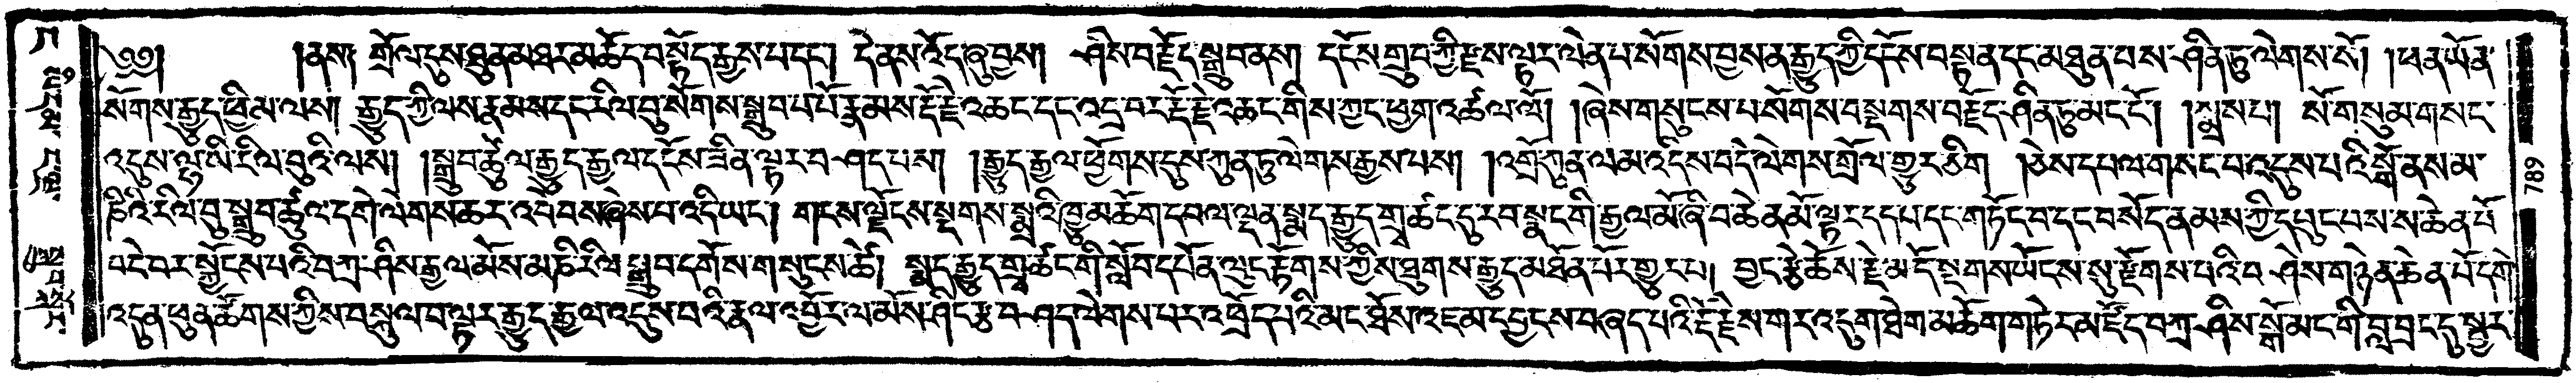༄༅། །ནས༑ གྲོལ་དུས་ཐུན་མཐར་མཆོད་བསྟོང་རྒྱས་པ་དང་། དེ་ནས་འོད་ཞུ་བྱས། ཤེས་བརྗོད་སྒྲུབ་ནས། དངོས་གྲུབ་ཀྱི་རྫས་ལྟར་ལེན་པ་སོགས་བྱས་ན་རྒྱུད་ཀྱི་དངོས་བསྟན་དང་མཐུན་པས་ཤིན་ཏུ་ལེགས་སོ། །ཕན་ཡོན་
སོགས་རྒྱུད་ཕྱི་མ་ལས། རྒྱུད་ཀྱི་ལས་རྣམས་དང་རིལ་བུ་སོགས་སྒྲུབ་པ་པོ་རྣམས་རྡོ་རྗེ་འཆང་དང་འདྲ་བར་རྡོ་རྗེ་འཆང་གིས་ཀྱང་ཕྱག་འཚལ་ལོ། །ཞེས་གསུངས་པ་སོགས་བསྔགས་བརྗོད་ཤིན་ཏུ་མང་ངོ། །སྨྲས་པ། སོ་གསུམ་གསང་
འདུས་ལྷ་ཡི་རིལ་བུའི་ལས། །སྒྲུབ་ཚུལ་རྒྱུད་རྒྱལ་དངོས་ཟིན་ལྟར་བཤད་པས། །རྒྱུད་རྒྱལ་ཕྱོགས་དུས་ཀུན་ཏུ་ལེགས་རྒྱས་པས། །འགྲོ་ཀུན་ལམ་འདིས་བདེ་ལེགས་གྲོལ་གྱུར་ཅིག །ཅེས་དཔལ་གསང་བ་འདུས་པའི་སྒོ་ནས་མ་
ཎིའི་རིལ་བུ་སྒྲུབ་ཚུལ་དགེ་ལེགས་ཆར་འབེབས་ཞེས་པ་འདི་ཡང་། གངས་ལྗོངས་སྔགས་སྨྲའི་ཁྱུ་མཆོག་དཔལ་ལྡན་སྨད་རྒྱུད་གྲྭ་ཚང་དུ་རབ་སྣང་གི་རྒྱལ་མོ་ཞི་བ་ཆེན་མོ་ལྟར་དད་པ་དང་གཏོང་བ་དང་བསོད་ནམས་ཀྱི་དཔུང་བས་ས་ཆེན་པོ་
བདེ་བར་སྐྱོངས་པའི་བཀྲ་ཤིས་རྒྱལ་མོས་མ་ཎི་རིལ་སྒྲུབ་དགོས་གསུངས་ཚེ། སྨད་རྒྱུད་གྲྭ་ཚང་གི་སློབ་དཔོན་ལུང་རྟོགས་ཀྱིས་ཐུགས་རྒྱུད་མཐོན་པོར་གྱུར་པ། བྱང་རྩེ་ཆོས་རྗེ་མདོ་སྔགས་ཡོངས་སུ་རྫོགས་པའི་བཤེས་གཉེན་ཆེན་པོ་དགེ་
འདུན་ཕུན་ཚོགས་ཀྱིས་བསྐུལ་བ་ལྟར་རྒྱུད་རྒྱལ་འདུས་པའི་རྣལ་འབྱོར་ལ་མོས་ཤིང་རྩ་བཤད་ལེགས་པར་འཕྲོད་པའི་མང་ཐོས་འཇམ་དབྱངས་བཞད་པའི་རྡོ་རྗེས་གར་འདུག་ཐེག་མཆོག་གཏེར་མཛོད་བཀྲ་ཤིས་སྒོ་མང་གི་བླ་བྲད་དུ་སྦྱར་